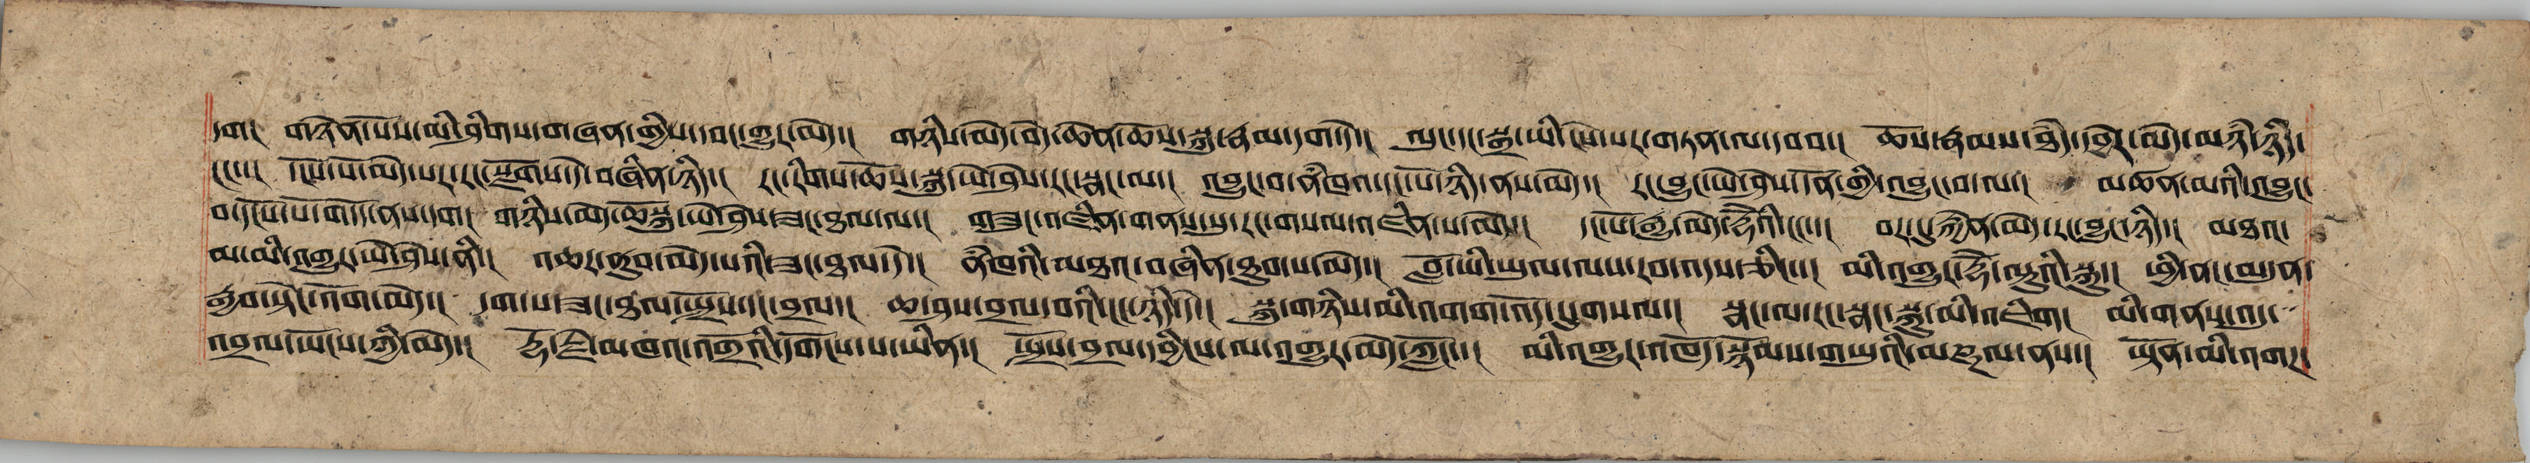དག། གཉེས་པོས་མི་ཤིགས་གཞན་གྱིས་དབང་གྱུར་མེད་། གཉིས་མེད་བདེ་ཆེན་ཆོས་སྐུ་རྣམ་དག་དེ་། ལུང་དང་སྒྲ་ཡི་ངེས་པར་གཏན་ལ་དབབ་། ཆོས་རྣམས་ཐཾད་དབྱེར་མེད་མཉཾ་ཉིད་
ངང་་། དངོས་པོ་མེད་པར་རང་སྫོགས་དེ་བཞིན་ཉིད་། རང་རིགས་ཆོས་སྐུ་ཡེ་ཤེས་རང་སྣང་ལ་། འབྱུང་བ་ནཾཁའ་དང་པོ་ཉིད་ནས་མེད་། རང་བྱུང་ཡེ་ཤེས་དོན་གྱི་འབྱུང་བ་ལ་། མཚན་མའི་འབྱུང་
བ་དངོས་པོ་གོདད་ནས་དག། གཉིས་མེད་ཆོསྐུ་ཡེ་ཤེས་ཟང་ཐལ་ལ་། གཟུང་འཛིན་གནས་སུ་རང་གསལ་འཛིན་པ་མེད་། དང་པོ་རྒྱུ་མེད་རྡོེའི་ངང་་། བར་དུ་རྐྱེན་མེད་རང་བྱུང་ཉིད་། མཐའ་
མ་མི་འགྱུར་ཡེ་ཤེས་ནི་། འཆར་ནུབ་མེད་པའི་ཟང་ཐལ་དེ་། ནཾཁའི་མཐའ་བཞིན་ཐུག་པ་མེད་། བློ་ཡི་ཡུལ་ལས་རབ་འདས་ཅིང་་། མི་འགྱུར་རྡོེ་ལྟུའི་སྐུ་། ཕྱི་ནང་མདུན་
རྒྱབ་སྟེང་འོག་མེད་། དག་པ་ཟང་ཐལ་སྤྲོས་དང་བྲལ་། ཆ་ཤས་བྲལ་བའི་ངང་ཉིད་དེ་། སྐུ་གཉིས་མི་འགག་འོད་དུ་གསལ་། སྣང་ལ་རང་སྣང་སྐུ་མི་འཇིག། མི་གནས་འདུ་་
འབྲལ་ཡོངས་ཀྱི་མེད་། རྡོ་རྗེ་མཁའ་འགྲོའི་དགོངས་པ་ཡིན་། སྤྲོས་བྲལ་དབྱིངས་ལ་འགྱུར་མེད་ཀློང་་། མི་འགྱུར་འཁོད་སྙོམས་གཡུའི་མཎྜལ་ནས་། ཡྟོན་མི་འགཌ་